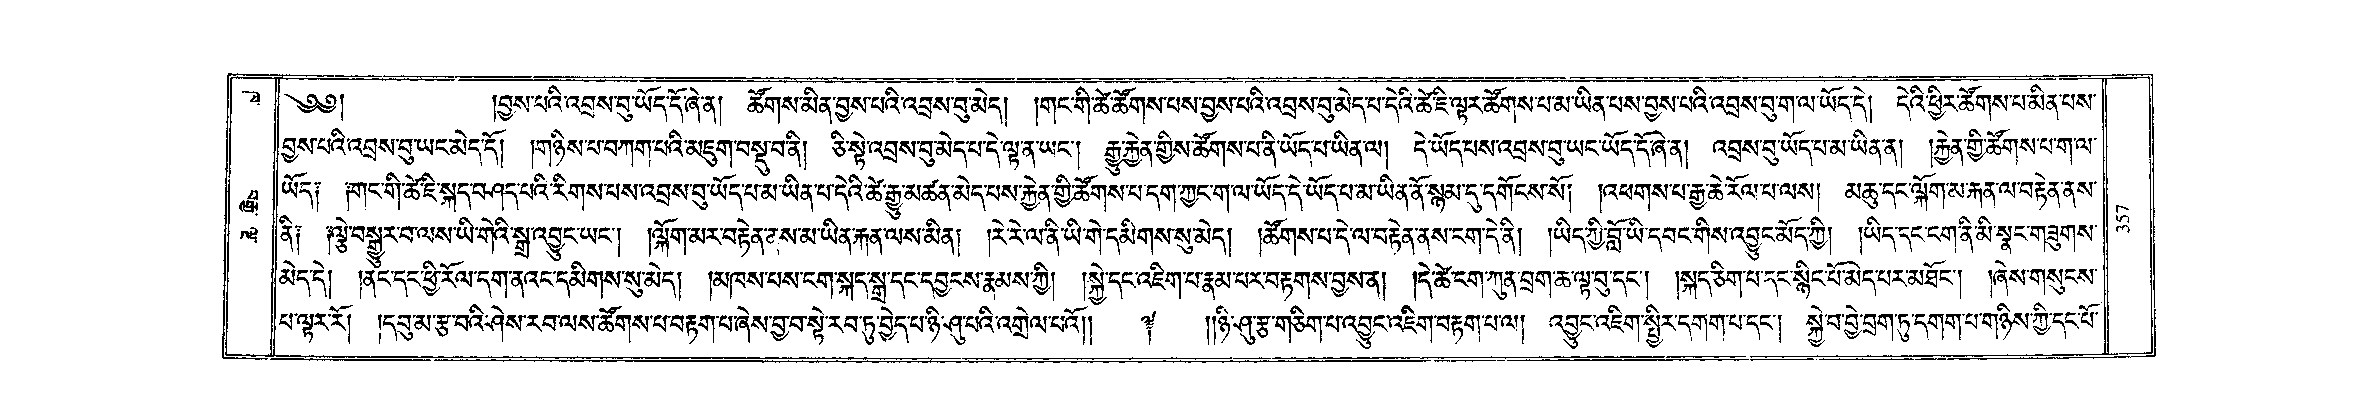༄༅། །བྱས་པའི་འབྲས་བུ་ཡོད་དོ་ཞེ་ན། ཚོགས་མིན་བྱས་པའི་འབྲས་བུ་མེད། །གང་གི་ཚེ་ཚོགས་པས་བྱས་པའི་འབྲས་བུ་མེད་པ་དེའི་ཚེ་ཇི་ལྟར་ཚོགས་པ་མ་ཡིན་པས་བྱས་པའི་འབྲས་བུ་ག་ལ་ཡོད་དེ། དེའི་ཕྱིར་ཚོགས་པ་མིན་པས་
བྱས་པའི་འབྲས་བུ་ཡང་མེད་དོ། །གཉིས་པ་བཀག་པའི་མཇུག་བསྡུ་བ་ནི། ཅི་སྟེ་འབྲས་བུ་མེད་པ་དེ་ལྟ་ན་ཡང་། རྒྱུ་རྐྱེན་གྱིས་ཚོགས་པ་ནི་ཡོད་པ་ཡིན་ལ། དེ་ཡོད་པས་འབྲས་བུ་ཡང་ཡོད་དོ་ཞེ་ན། འབྲས་བུ་ཡོད་པ་མ་ཡིན་ན། །རྐྱེན་གྱི་ཚོགས་པ་ག་ལ་
ཡོད༑ ༑གང་གི་ཚེ་ཇི་སྐད་བཤད་པའི་རིགས་པས་འབྲས་བུ་ཡོད་པ་མ་ཡིན་པ་དེའི་ཚེ་རྒྱུ་མཚན་མེད་པས་རྐྱེན་གྱི་ཚོགས་པ་དག་ཀྱང་ག་ལ་ཡོད་དེ་ཡོད་པ་མ་ཡིན་ནོ་སྙམ་དུ་དགོངས་སོ། །འཕགས་པ་རྒྱ་ཆེ་རོལ་པ་ལས། མཆུ་དང་ལྐོག་མ་རྐན་ལ་བརྟེན་ནས་
ནི༑ ༑ལྕེ་བསྒྱུར་བ་ལས་ཡི་གེའི་སྒྲ་འབྱུང་ཡང་། །ལྐོག་མར་བརྟེན་ནས་མ་ཡིན་རྐན་ལས་མིན། །རེ་རེ་ལ་ནི་ཡི་གེ་དམིགས་སུ་མེད། །ཚོགས་པ་དེ་ལ་བརྟེན་ནས་ངག་དེ་ནི། །ཡིད་ཀྱི་བློ་ཡི་དབང་གིས་འབྱུང་མོད་ཀྱི། །ཡིད་དང་ངག་ནི་མི་སྣང་གཟུགས་
མེད་དེ། །ནང་དང་ཕྱི་རོལ་དག་ནའང་དམིགས་སུ་མེད། །མཁས་པས་ངག་སྐད་སྒྲ་དང་དབྱངས་རྣམས་ཀྱི། །སྐྱེ་དང་འཇིག་པ་རྣམ་པར་བརྟགས་བྱས་ན། །དེ་ཚེ་ངག་ཀུན་བྲག་ཆ་ལྟ་བུ་དང་། །སྐད་ཅིག་པ་དང་སྙིང་པོ་མེད་པར་མཐོང་། །ཞེས་གསུངས་
པ་ལྟར་རོ། །དབུ་མ་རྩ་བའི་ཤེས་རབ་ལས་ཚོགས་པ་བརྟག་པ་ཞེས་བྱ་བ་སྟེ་རབ་ཏུ་བྱེད་པ་ཉི་ཤུ་པའི་འགྲེལ་པའོ།། ༈ །།ཉི་ཤུ་རྩ་གཅིག་པ་འབྱུང་འཇིག་བརྟག་པ་ལ། འབྱུང་འཇིག་སྤྱིར་དགག་པ་དང་། སྐྱེ་བ་བྱེ་བྲག་ཏུ་དགག་པ་གཉིས་ཀྱི་དང་པོ་